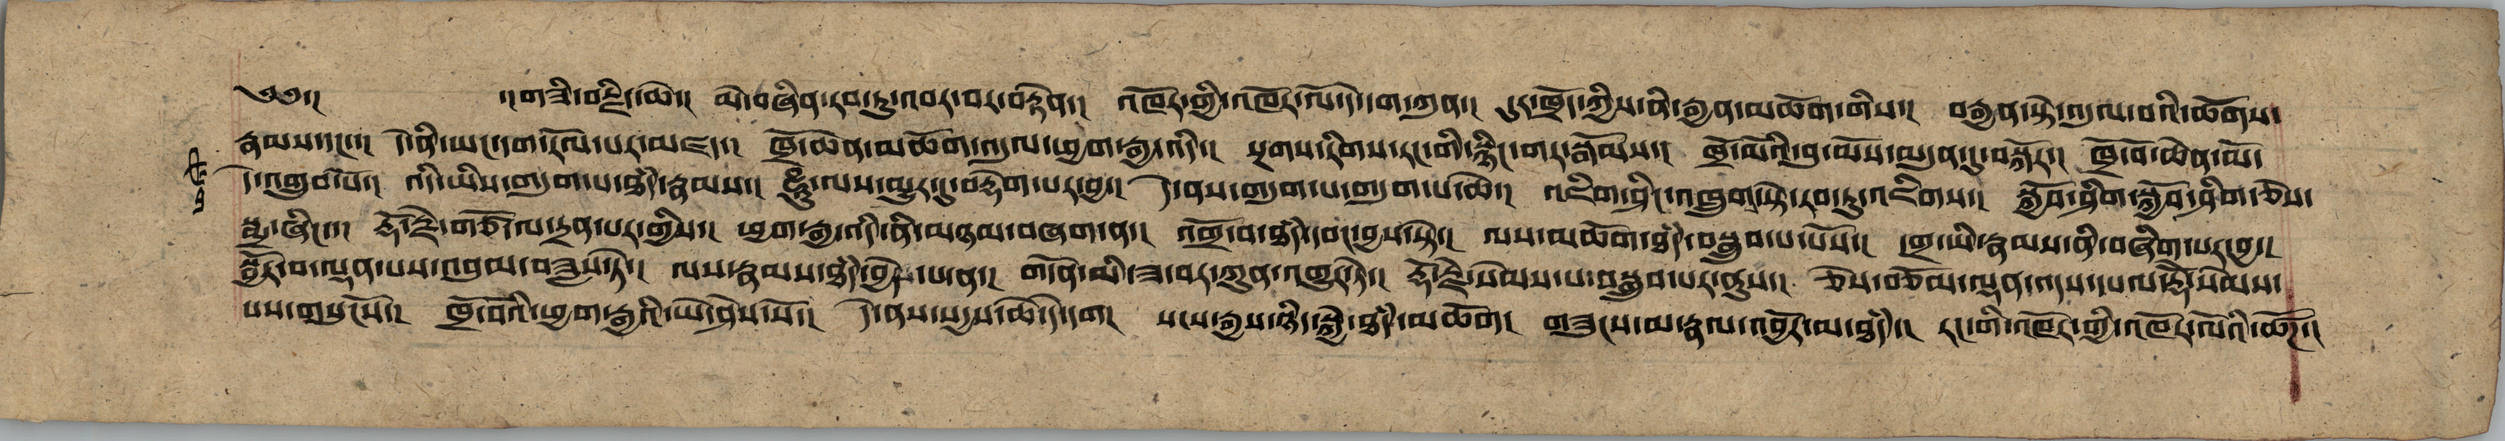༄༅་། ་།གཟི་བརྗིད་ཆེ་། མེ་བཞིན་རབ་ཏུ་འབར་བ་བརྟེན་། འཁོར་གྱི་འཁོར་ལོ་དེ་དག་ཀུན་། དུར་ཁྲོད་ཀྱིས་ནི་རྒྱན་མཆོག་གིས་། བརྒྱན་སྟེ་འདུལ་བའི་ཚོགས་
རྣམས་དང་་། དེ་ནི་ཡང་དག་རོལ་པར་མཛད་། ཁྲོ་ཆེན་མཆོག་འདུལ་ཕྱག་རྒྱ་འདི་། སྔགས་རིགས་རང་གི་སྙིང་གར་སྒོམས་། ཁྲོ་མོའི་བུ་མོས་མདུན་དུ་བསྐོར་། ཁྲོ་བོ་ཆེན་མོ་
དེ་འགྲུབ་པོ་། འདི་ཡིས་གདུག་པ་ཐདཾ་རྣམས་། ཧཱུཾ་ལས་མྱུར་དུ་བརྡེག་པར་བྱ་། དེ་ནས་གདུག་པ་གདུག་པ་ཆེ་། འཇིག་ཤིང་འཁྲུག་སྟེ་རབ་དུ་འཇིགས་། སྐྱོབ་ཤིག་སྐྱོབ་ཤིག་ཅེས་
སྨྲ་ཞིང་་། རྡོ་རྗེ་གཙོ་ལ་དྲན་པར་གྱིས་། ཕྱག་རྒྱ་འདི་ནི་མཉམ་བཞག་ན་། འགྲོ་བ་ཐདཾ་དབང་བྱས་སྟེ་། ལས་མཆོག་ཐདཾ་བསྒྲུབ་པ་པོས་། དགྲ་ཡི་རྣམས་ནི་བཞིག་པར་བྱ་།
སྦྱོར་བ་ལྡན་པས་འབུམ་བཟླས་ཏེ་། ལས་རྣམས་ཐདཾ་བྱེད་པ་ན་། གདོན་མི་ཟ་བར་ཀུན་འགྱུར་ཏེ་། རྡོ་རྗེ་སེམས་པ་བསྒྲུབ་པར་ནུས་། ཅེས་བཅོམ་ལྡན་འདས་དཔལ་རྡོེ་སེམས་
པས་གསུངསོ་། ཁྲོ་བོའི་ཕྱག་རྒྱའི་ཡེ་ཤེས་སོ་། དེ་ནས་སངས་རྒྱས་ཆེ་དེ་དག། སངས་རྒྱས་ཉིད་སྐྱེ་ཐཾད་མཆོག། གཟུངས་མ་རྣལ་འབྱོར་མ་ཐཾད་། རང་གི་འཁོར་གྱི་འཁོར་ལོའི་ཚོཌ་།